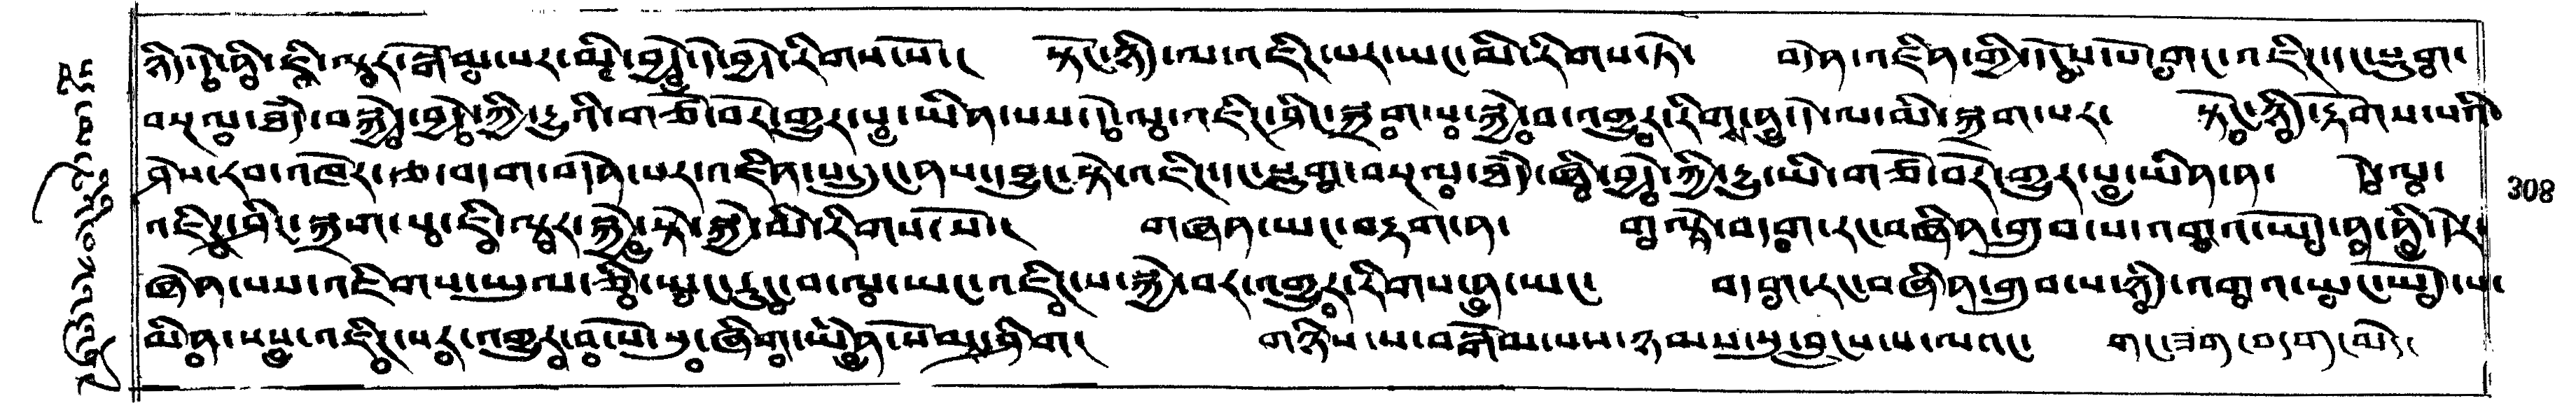ཉིད་དེ་ནི་ཇི་ལྟར་སྒོམ་པར་མི་བྱེད་དེ་བྱེད་རིགས་སོ། སྟོང་ཉིད་ལ་འཇིགས་པར་ཡང་མི་རིགས་ཏེ། བདེན་འཛིན་གྱི་དངོས་པོ་གང་འཇིགས་དང་སྡུག་
བསྔལ་ཐམས་ཅད་བསྐྱེད་བྱེད་ཀྱི་རྒྱུའི་གཙོ་བོར་གྱུར་པ་ཡིན་པས་དེ་ལ་འཇིགས་ཤིང་སྐྲག་པ་སྐྱེ་བ་འགྱུར་རིགས་ན་དེ་ལ་མི་སྐྲག་པར། སྟོང་ཉིད་རྟོགས་པའི་
ཤེས་རབ་འཁོར་རྩ་བདག་བདེན་པར་འཛིན་པ་དྲུང་ནས་དབྱུང་སྟེ་འཇིགས་དང་སྡུག་བསྔལ་ཐམས་ཅད་ཞི་བྱེད་ཀྱི་རྒྱུ་ཡི་གཙོ་བོར་གྱུར་པ་ཡིན་ན། དེ་ལ་
འཇིགས་ཤིང་སྐྲག་པ་ཇི་ལྟར་སྐྱེ་སྟེ་སྐྱེ་མི་རིགས་སོ། གཞན་ཡང་བརྟག་ན། གལ་ཏེ་བདག་རང་བཞིན་གྲུབ་པ་འགའ་ཡོད་ན་ནི་དེར་
ཞེན་པས་འཇིགས་ཡུལ་ཅི་ཡང་རུང་བ་ལ་ཡང་འཇིགས་པ་སྐྱེ་བར་འགྱུར་རིགས་ན་ཡང་། བདག་རང་བཞིན་གྲུབ་པ་ཉིད་འགའ་ཡང་ཡོད་པ་
མིན་པས་འཇིགས་པར་འགྱུར་བ་པོ་སུ་ཞིག་ཡིན་སོམ་ཤིག གཉིས་པ་བསྒོམ་པས་ཉམས་སུ་བླངས་པ་ལའང་། གང་ཟག་བདག་མེད་